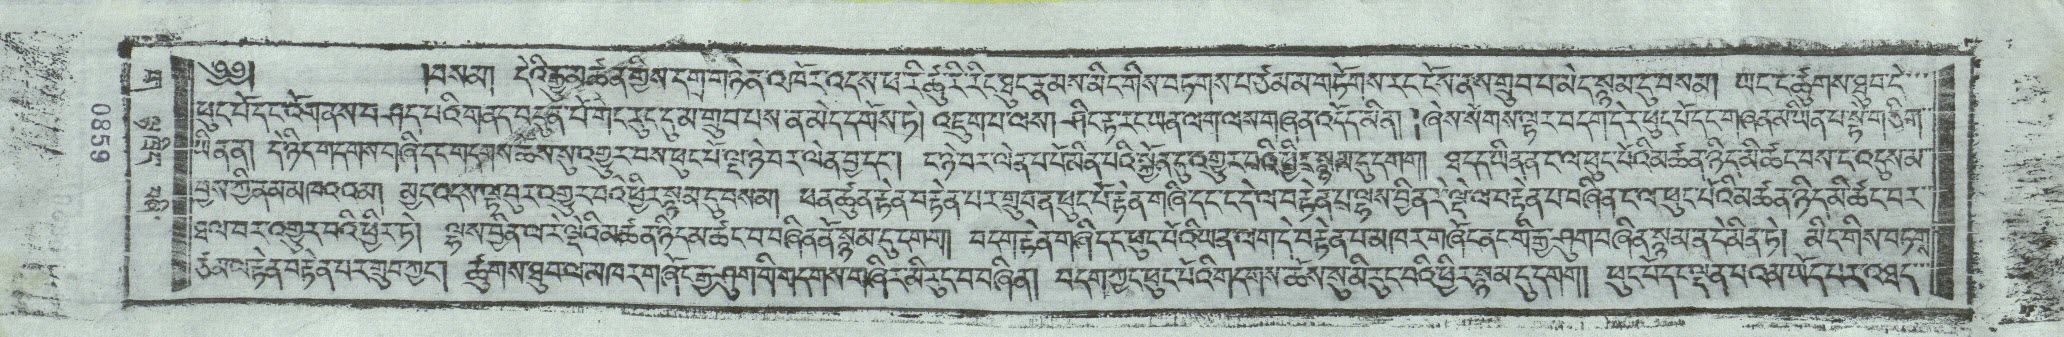༄༅། །བསམ། དེའི་རྒྱུ་མཚན་གྱིས་དགྲ་གཉེན་འཁོར་འདས་ཕ་རི་ཚུ་རི་རིང་ཐུང་རྣམས་མིང་གིས་བཏགས་པ་ཙམ་མ་གཏོགས་རང་ངོས་ནས་གྲུབ་པ་མེད་སྙམ་དུ་བསམ། ཡང་ང་ཚུགས་ཐུབ་དེ་
ཕུང་པོ་དང་འོག་ནས་བཤད་པའི་གནད་བདུན་པོ་གང་རུང་དུ་མ་གྲུབ་པས་ན་མེད་དགོས་ཏེ། འཇུག་པ་ལས། ཤིང་རྟ་རང་ཡན་ལག་ལས་གཞན་འདོད་མིན། །ཞེས་སོགས་ལྟར་བདག་དེར་ཕུང་པོ་དང་གཞན་མ་ཡིན་པ་སྟེ་གཅིག་
ཡིན་ན། དེ་ཉིད་གདགས་གཞི་དང་གདགས་ཆོས་སུ་འགྱུར་བས་ཕུང་པོ་ལྔ་ཉེ་བར་ལེན་བྱ་དང་། ང་ཉེ་བར་ལེན་པ་པོ་མིན་པའི་སྐྱོན་དུ་འགྱུར་བའི་ཕྱིར་སྙམ་དུ་དགག། ཐ་དད་ཡིན་ན་ང་ལ་ཕུང་པོའི་མཚན་ཉིད་མི་ཚང་བས་ང་འདུས་མ་
བྱས་ཀྱི་ནམ་མཁའ་འམ། མྱང་འདས་ལྟ་བུར་འགྱུར་བའི་ཕྱིར་སྙམ་དུ་བསམ། ཕན་ཚུན་རྟེན་བརྟེན་པར་གྲུབ་ན་ཕུང་པོ་རྟེན་གཞི་དང་ང་དེ་ལ་བརྟེན་པ་ལྷས་བྱིན་རེ་ལྡེ་ལ་བརྟེན་པ་བཞིན་ང་ལ་ཕུང་པོའི་མཚན་ཉིད་མི་ཚང་བར་
ཐལ་བར་འགྱུར་བའི་ཕྱིར་ཏེ། ལྷས་བྱིན་ལ་རེ་ལྡེའི་མཚན་ཉིད་མ་ཚང་པ་བཞིན་ནོ་སྙམ་དུ་དགག། བདག་རྟེན་གཞི་དང་ཕུང་པོའི་ཡན་ལག་དེ་བརྟེན་པ་མཁར་གཞོང་ནང་གི་རྒྱ་ཤུག་བཞིན་སྙམ་ན་དེ་མིན་ཏེ། མིང་གིས་བཏགས་
ཙམ་ལ་རྟེན་བརྟེན་པར་གྲུབ་ཀྱང་། ཚུགས་ཐུབ་ལ་མཁར་གཞོང་རྒྱ་ཤུག་གི་གདགས་གཞིར་མི་རུང་བ་བཞིན། བདག་ཀྱང་ཕུང་པོའི་གདགས་ཆོས་སུ་མི་རུང་བའི་ཕྱིར་སྙམ་དུ་དགག། ཕུང་པོ་དང་ལྡན་པའམ་ཡོད་པར་འཐད་